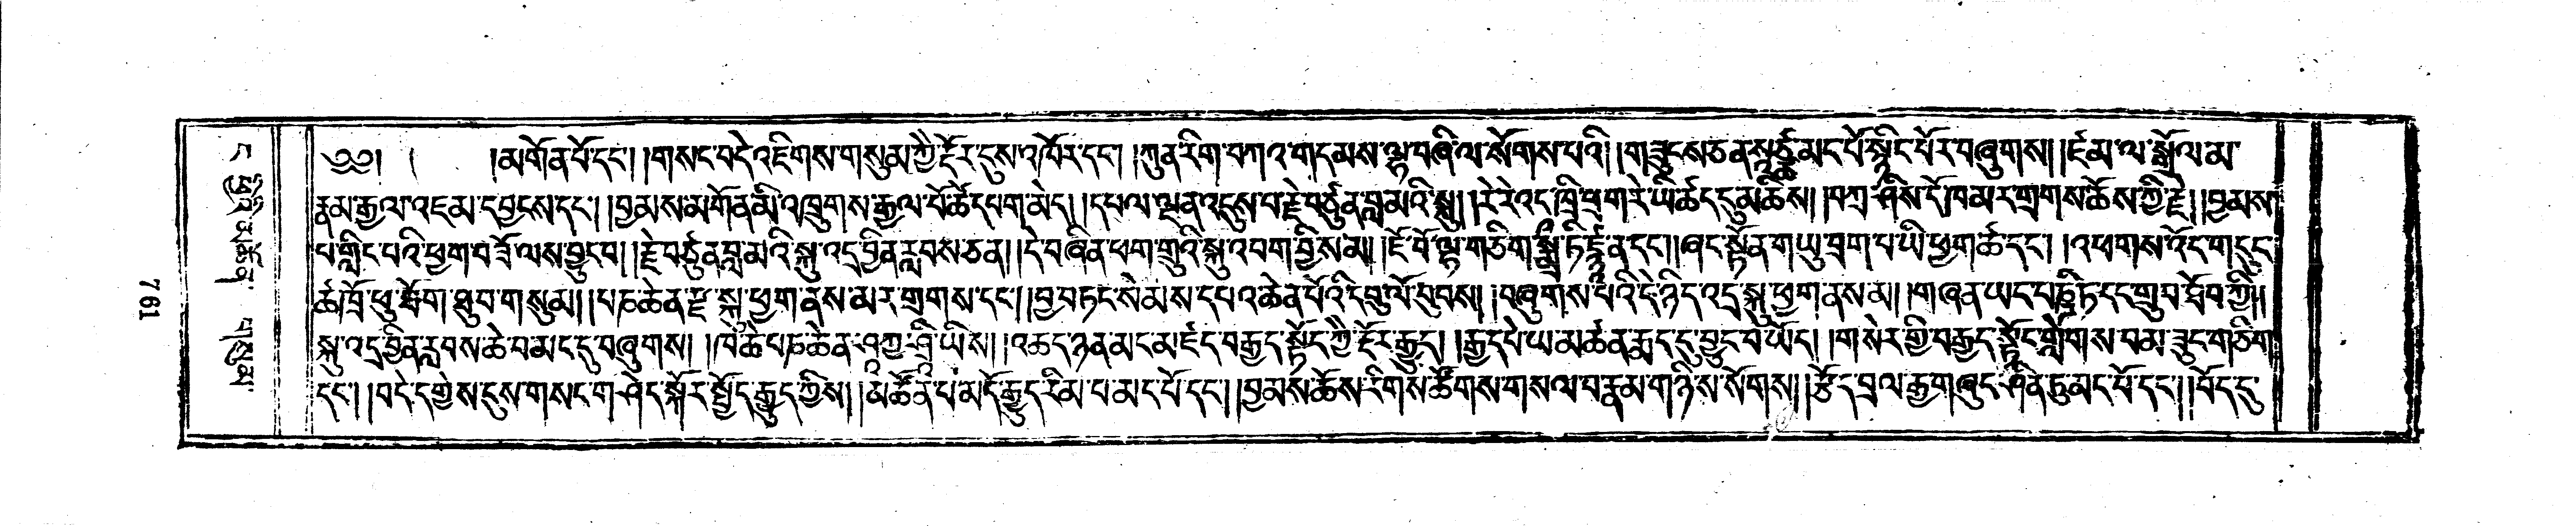༄༅། །མགོན་པོ་དང་། །གསང་བདེ་འཇིགས་གསུམ་ཀྱཻ་རྡོར་དུས་འཁོར་དང་། །ཀུན་རིག་བཀའ་གདམས་ལྷ་བཞི་ལ་སོགས་པའི། །གཟུངས་ཅན་སཱཙྪ་མང་པོ་སྙིང་པོར་བཞུགས། །ཛམ་ལ་སྒྲོལ་མ་
རྣམ་རྒྱལ་འཇམ་དབྱངས་དང་། །བྱམས་མགོན་མི་འཁྲུགས་རྒྱལ་པོ་ཚེ་དཔག་མེད། །དཔལ་ལྡན་འདུས་པ་རྗེ་བཙུན་བླ་མའི་སྐུ། །རེ་རེའང་ཁྲི་ཕྲག་རེ་ཡི་ཚད་དུ་མཆིས། །བཀྲ་ཤིས་དོ་ཁ་མར་གྲགས་ཆོས་ཀྱི་རྗེ། །བྱམས་
པ་གླིང་པའི་ཕྱག་བཟོ་ལས་བྱུང་བ། །རྗེ་བཙུན་བླ་མའི་སྐུ་འདྲ་བྱིན་རླབས་ཅན། །དེ་བཞིན་ཕག་གྲུའི་སྐུ་འབག་བྱི་ས་མ། །ཇོ་བོ་ལྷ་གཅིག་སྨྲྀ་ཏི་ཛྙཱ་ན་དང་། །ཞང་སྟོན་གཡུ་བྲག་པ་ཡི་ཕྱག་ཚ་དང་། །འཕགས་འོད་གདུང་
ཚ་ཁྲོ་ཕུ་ཐོག་ཐུབ་གསུམ། །པཎ་ཆེན་རྫ་སྐུ་ཕྱག་ནས་མར་གྲགས་དང་། །བྱ་བཏང་སེམས་དཔའ་ཆེན་པོའི་དབུ་ལོ་ཕུབས། །བཞུགས་པའི་དེ་ཉིད་འདྲ་སྐུ་ཕྱག་ནས་མ། །གཞན་ཡང་པཎྜི་ཏ་དང་གྲུབ་ཐོབ་ཀྱི། །
སྐུ་འདྲ་བྱིན་རླབས་ཆེ་བ་མང་དུ་བཞུགས། །ཁ་ཆེ་པཎ་ཆེན་ཤཱཀྱ་ཤྲཱི་ཡིས། །འཆད་ཉན་མང་མཛད་བརྒྱད་སྟོང་ཀྱཻ་རྡོར་རྒྱུད། །རྒྱ་དཔེ་ཡ་མཚན་རྨད་དུ་བྱུང་བ་ཡོད། །གསེར་གྱི་བརྒྱད་སྟོང་གླེགས་བམ་ཟུང་གཅིག་
དང་། །བདེ་དགྱེས་དུས་གསང་གཤེད་སྐོར་སྤྱོད་རྒྱུད་ཀྱིས། །མཚོན་པ་མདོ་རྒྱུད་རིམ་པ་མང་པོ་དང་། །བྱམས་ཆོས་རིགས་ཚོགས་གསལ་བ་རྣམ་གཉིས་སོགས། །རྩོད་བྲལ་རྒྱ་གཞུང་ཤིན་ཏུ་མང་པོ་དང་། །བོད་དུ་